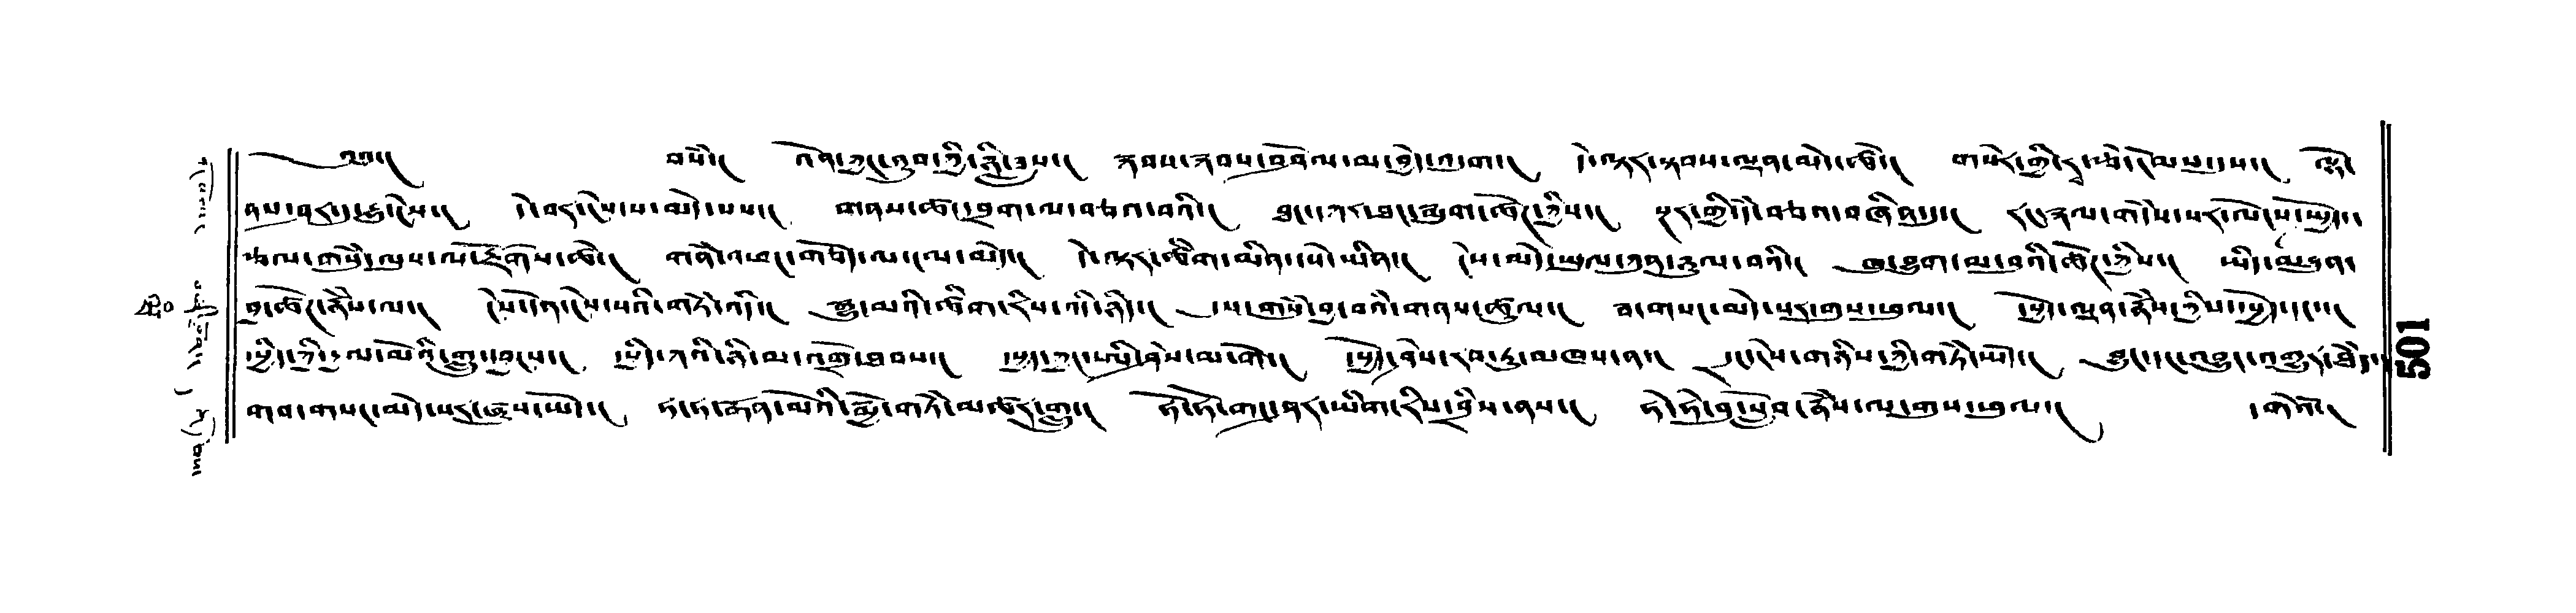བསམ། །འོན་ཀྱང་ནུབ་ཀྱི་ཉི་ཟླས། །སྐབས་སྐབས་བཤོལ་མ་བྱེད་འདུག །དེ་ལྟར་སྟབས་ལྡན་མེད་ཚེ། གསེར་གྱི་རྭ་རྩེ་ངོམས་དུས། ལྷོ་
ནས་ཤར་དུ་རྒྱུ་ངེས། །དེ་བར་ངེས་པ་མེད་པས། །གནས་ཚང་བྲག་ལ་བཅའ་བའི། །ཐང་དཀར་ཐང་སྨུག་ཚོགས་ཀྱིས། །སྔར་གྱི་དམ་བཅའ་བཞིན་དུ། །རང་སྐལ་གདམས་པར་ལོངས་སྤྱོད། །
རྩལ་གསུམ་ལུས་ལ་རྫོགས་ཚེ། །གནམ་འཕང་གཅོད་ལ་ངལ་མེད། །དེ་ལྟར་ཚིག་མིན་དཔེ་ཡིན། །ངེས་མེད་ཡུལ་ཀུན་ཉུལ་བའི། ཁུ་བྱུང་མ་བུའི་ཚོགས་ཀྱིས། །ཡིད་མཐུན་
བྱ་ཚོགས་རྣམས་ལ། །ངེས་དོན་ངེས་པའི་གཏམ་འདི། །སྒྱུ་མའི་ཚིག་རིས་འདི་ཉིད། །དུས་གསུམ་བྱ་བའི་གནས་ཚུལ། །སྦ་གསང་མེད་པར་གུས་ཕུལ། །དཔྱོད་ལྡན་རྣམས་ཀྱིས་དཔྱོད་དང་། །
དཔྱིད་ཀྱི་རྒྱལ་མོའི་གླུ་དབྱངས། །དཔྱིད་ཀའི་ཉི་མ་འགྲོ་ཐབས། །དཔྱད་ཀྱང་ཨི་ཤེས་མ་གོ །དཔྱོད་ཤེས་རབ་ཏུ་མཁས་ན། །དྲང་ངེས་གཉིས་ཀྱི་གཏམ་ཡོད། །བྱུང་དང་འབྱུང་འགྱུར་ཐམས་ཅད། །
གབ་གསང་མེད་པར་ཞུས་ཡོད། ཧ་ཧ། རྒན་མོའི་སྨྱོ་གཏམ་མཚར་གླུ། ཧོ་ཧོ། གང་ཤར་ཡིག་རིས་བྲིས་ནས། ཧེ་ཧེ། བུ་སློབ་རྣམས་ལ་གུས་ཕུལ། དགེའོ།།